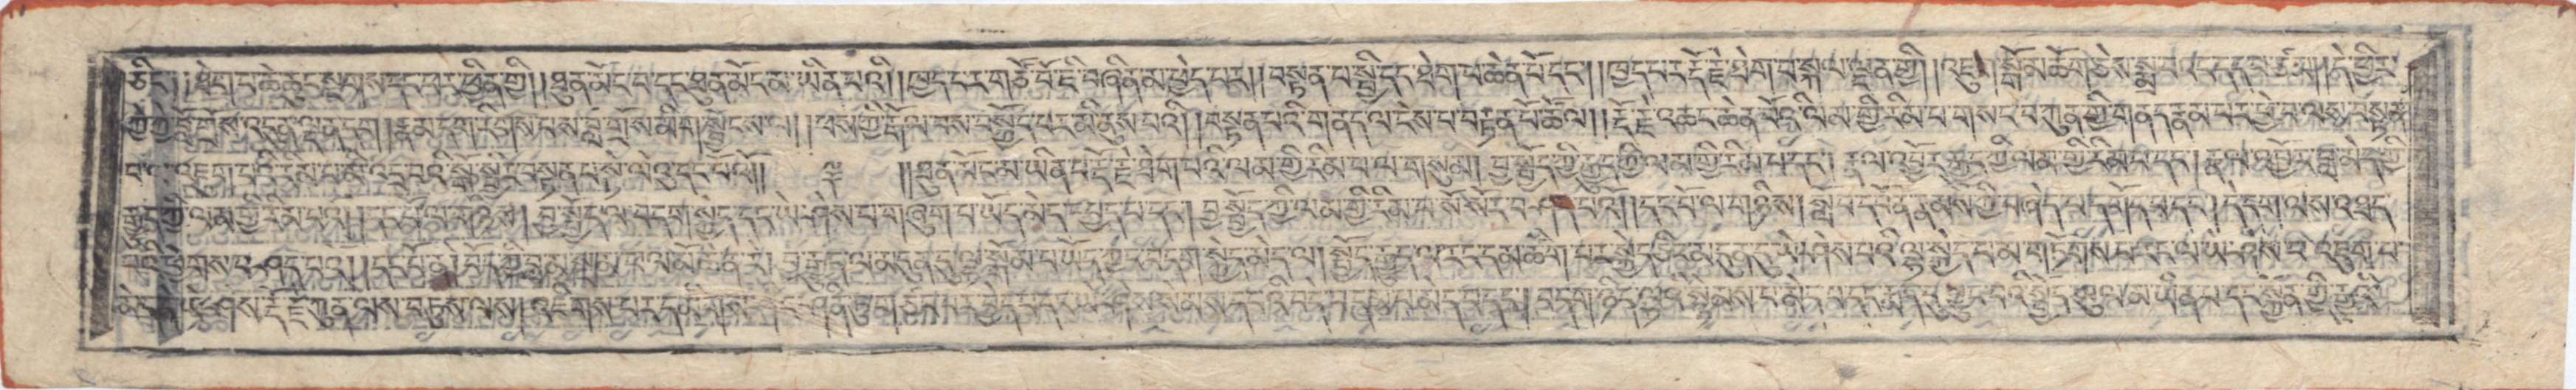ཅིང༑ ༑ཐེག་པ་ཆེ་ཆུང་སྔགས་དང་ཕར་ཕྱིན་གྱི། །ཐུན་མོང་བ་དང་ཐུན་མོང་མ་ཡིན་པའི། །ཁྱད་པར་གཙོ་བོ་ཇི་བཞིན་མ་ཕྱེད་པར། །བསྟན་པ་སྤྱི་དང་ཐེག་པ་ཆེན་པོ་དང་། །ཁྱད་པར་རྡོ་རྗེ་ཐེག་བ་སྐལ་ལྡན་གྱི། །འཇུག་སྒོ་མཆོག་ཅེས་སྨྲ་བའང་དད་པ་ཙམ། །དེ་ཕྱིར་
ཀྱེ་ཀྱེ་བློ་གྲོས་འདུན་ལྡན་དག །རྣམ་དག་རིགས་པས་བློ་གྲོས་མིག་སྦྱོངས་ལ། །ཕས་ཀྱི་རྒོལ་བས་བསྐྱོད་པར་མི་ནུས་པའི། །བསྟན་པའི་གནད་ལ་ངེས་པ་བརྟན་པོ་ཚོལ། །རྡོ་རྗེ་འཆང་ཆེན་པོའི་ལམ་གྱི་རིམ་པ་གསང་བ་ཀུན་གྱི་གནད་རྣམ་པར་ཕྱེ་བ་ལས་བསྟན་
པ་ལ་འཇུག་པའི་རིམ་པ་མི་འདྲ་བའི་སྒོ་སྤྱིར་བསྟན་པ་སྟེ་ལེའུ་དང་པོའོ།། ༈ །།ཐུན་མོང་མ་ཡིན་པ་རྡོ་རྗེ་ཐེག་པའི་ལམ་གྱི་རིམ་པ་ལ་གསུམ། བྱ་སྤྱོད་ཀྱི་རྒྱུད་ཀྱི་ལམ་གྱི་རིམ་པ་དང་། རྣལ་འབྱོར་རྒྱུད་ཀྱི་ལམ་གྱི་རིམ་པ་དང་། རྣལ་འབྱོར་བླ་མེད་ཀྱི་
རྒྱུད་ཀྱི་ལམ་གྱི་རིམ་པའོ། །དང་པོ་ལ་གཉིས། བྱ་སྤྱོད་ལ་བདག་སྐྱེད་དང་ཡེ་ཤེས་པ་གཞུག་པ་ཡོད་མེད་དཔྱད་པ་དང་། བྱ་སྤྱོད་ཀྱི་ལམ་གྱི་རིམ་པ་སོ་སོར་བཤད་པའོ། །དང་པོ་ལ་གཉིས། སློབ་དཔོན་རྣམས་ཀྱི་བཞེད་པ་དགོད་པ་དང་། དེ་དག་ལས་འཐད་
པའི་ཕྱོགས་བཤད་པའོ། །དང་པོ་ནི། བོད་ཀྱི་བླ་མ་སྔ་མ་ཕལ་མོ་ཆེ་ན་རེ། བྱ་རྒྱུད་ལ་མདུན་དུ་ལྷ་སྒོམ་པ་ཡོད་ཀྱང་བདག་སྐྱེད་མེད་ལ། སྤྱོད་རྒྱུད་ལ་རང་དམ་ཚིག་པར་སྐྱེད་ཅིང་མདུན་དུ་ཡེ་ཤེས་པའི་ལྷ་སྐྱེད་པ་མ་གཏོགས་པ་རང་ལ་ཡེ་ཤེས་པ་འཇུག་པ་
མེད་དེ་ཡེ་ཤེས་རྡོ་རྗེ་ཀུན་ལས་བཏུས་ལས། འཇིགས་པར་དམིགས་ཤིང་ཤིན་ཏུ་གཙང་བར་བྱེད་པ་དང་ཡེ་ཤེས་སེམས་དཔའི་བདེ་བ་དམ་པ་མེད་པ་དང་། བདག་ཉིད་ལྷའི་སྙེམས་པ་མེད་པ་དང་རྨད་དུ་བྱུང་བའི་སྤྱོད་ཡུལ་མ་ཡིན་པ་དང་སྐྱོན་གྱི་རྒྱུའི་